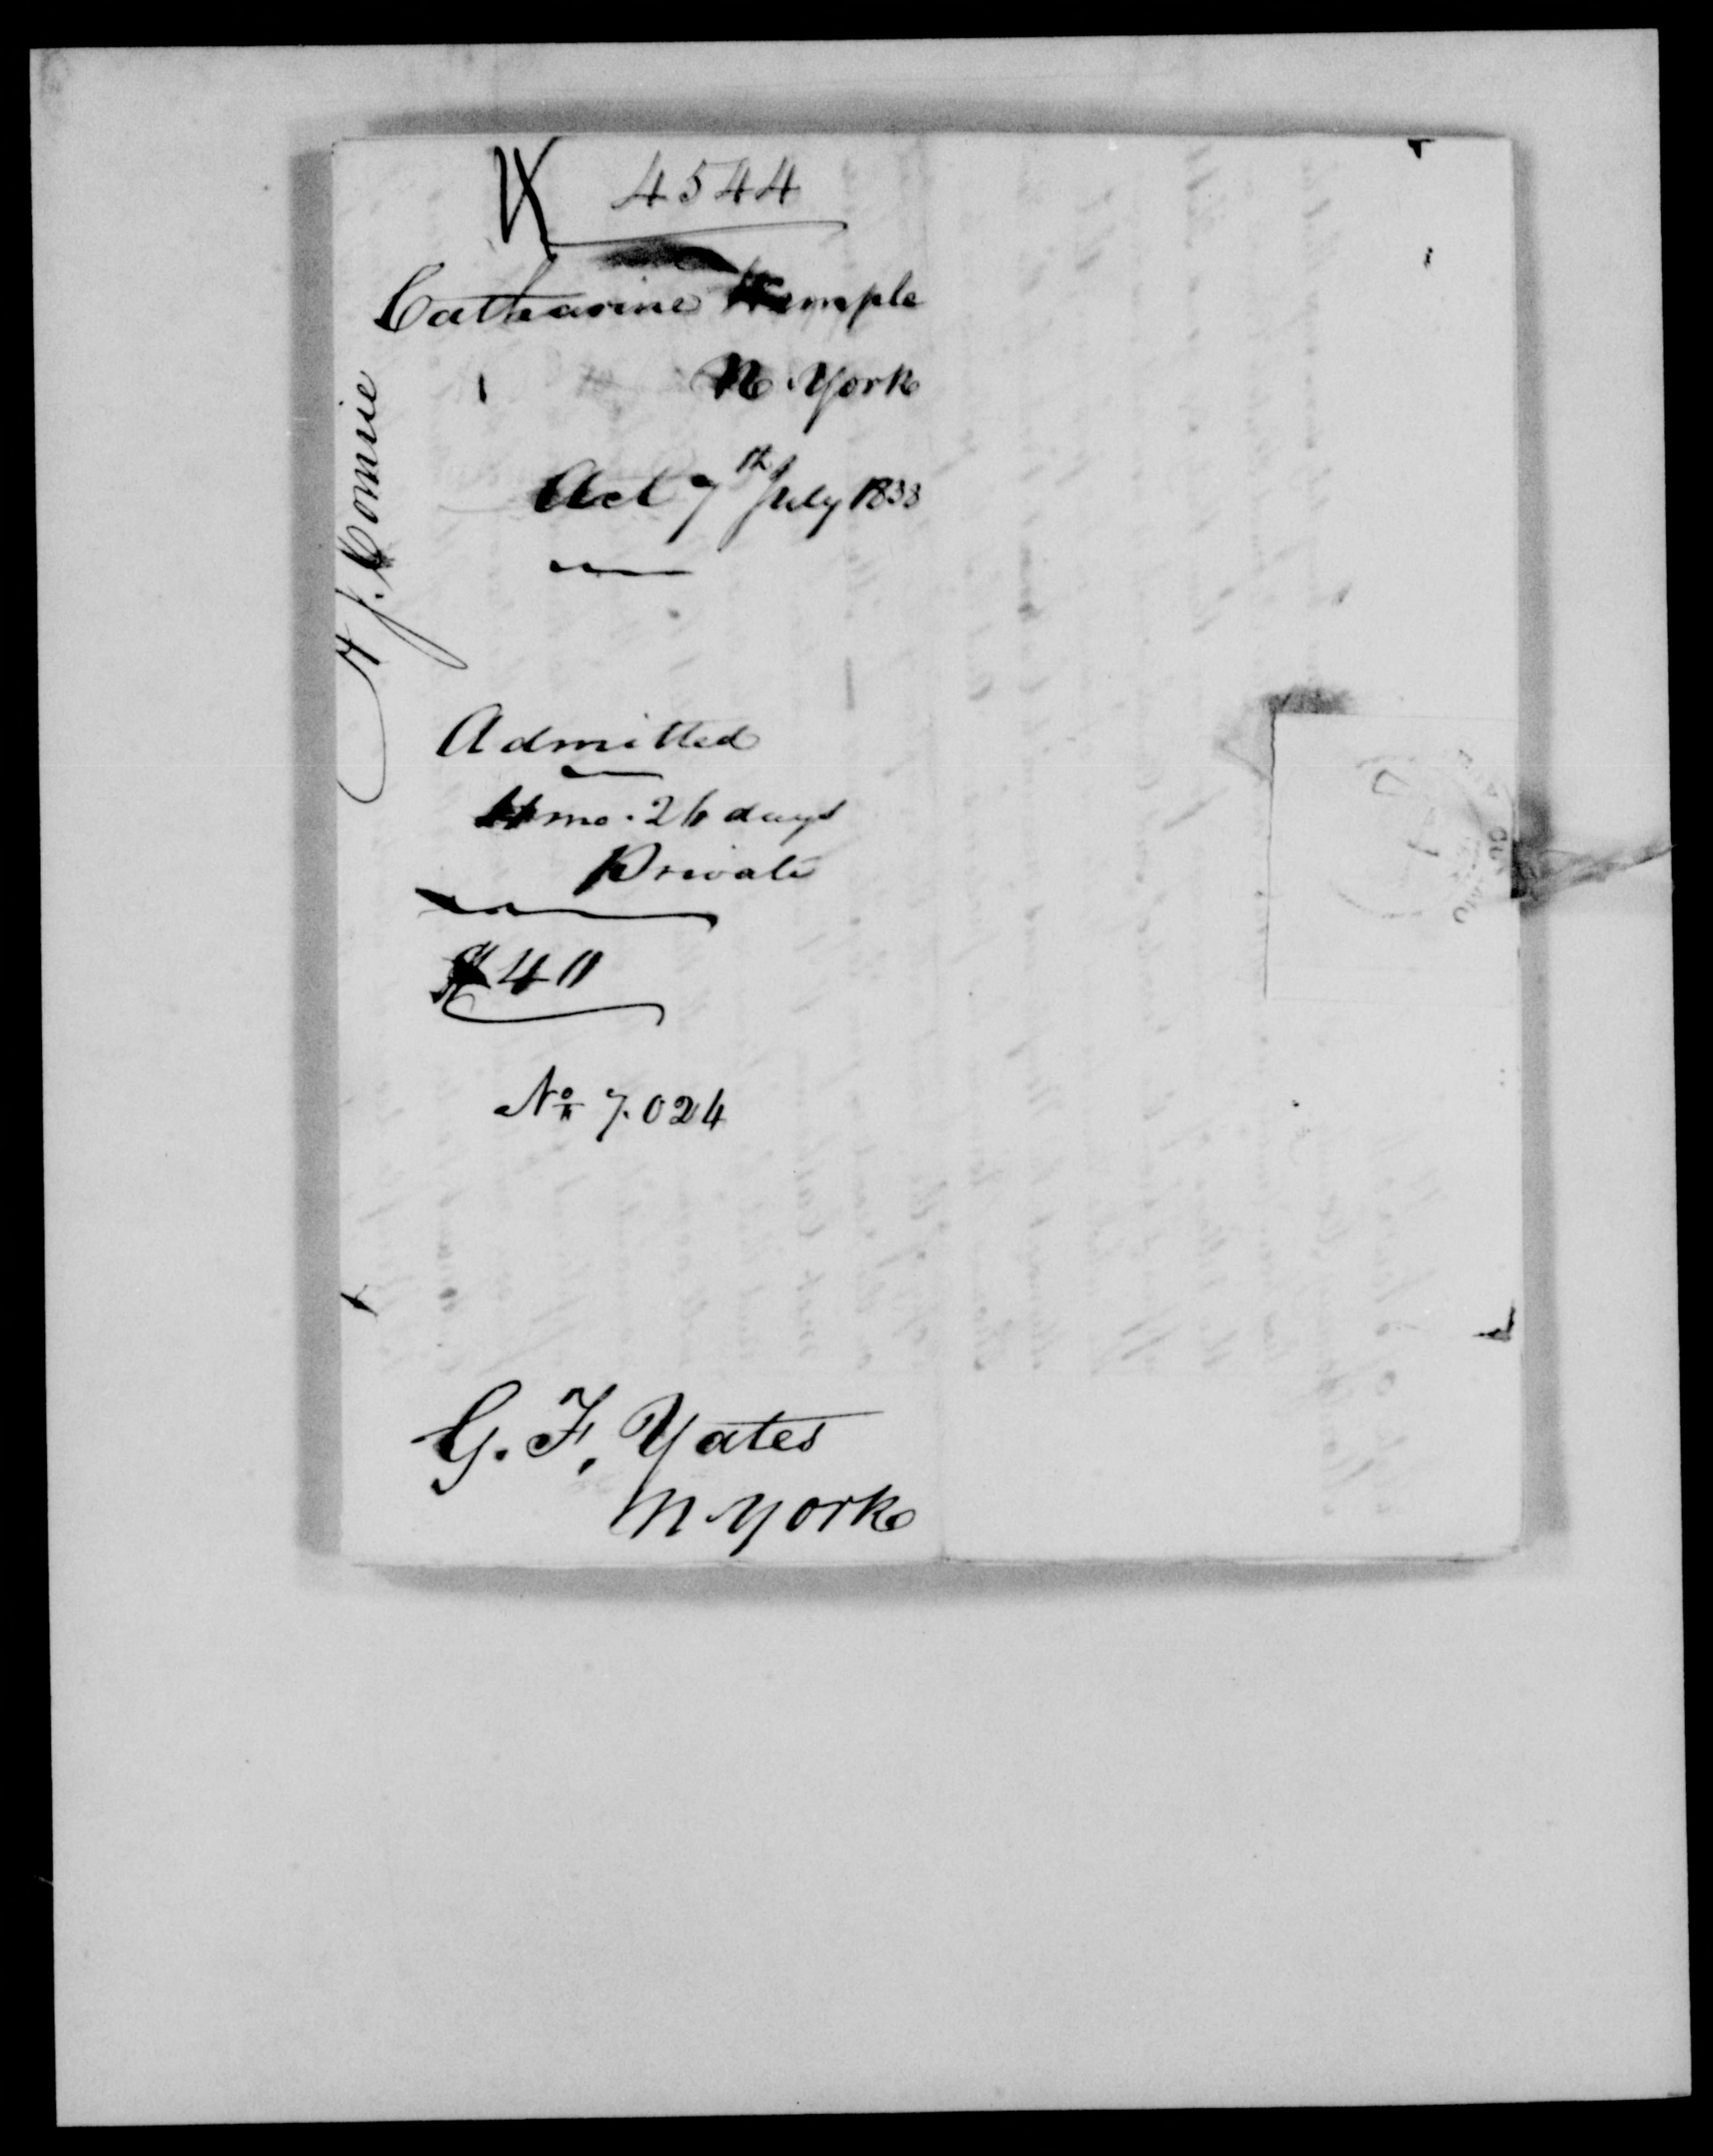4544

Catharine Wemple
N York
Act 7th July 1833
-
Admitted
-
11 mo.  26 days
Private
-
[illegible mark]  411
-
No 7.024


G. F. Yates
N York


(written sideways of left side)
(A J.?) Comrie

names: A J Comrie, G F Yates, Catharine Wemple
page: 15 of 51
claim: widow's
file: W. 19604, Myndert B Wemple, New York